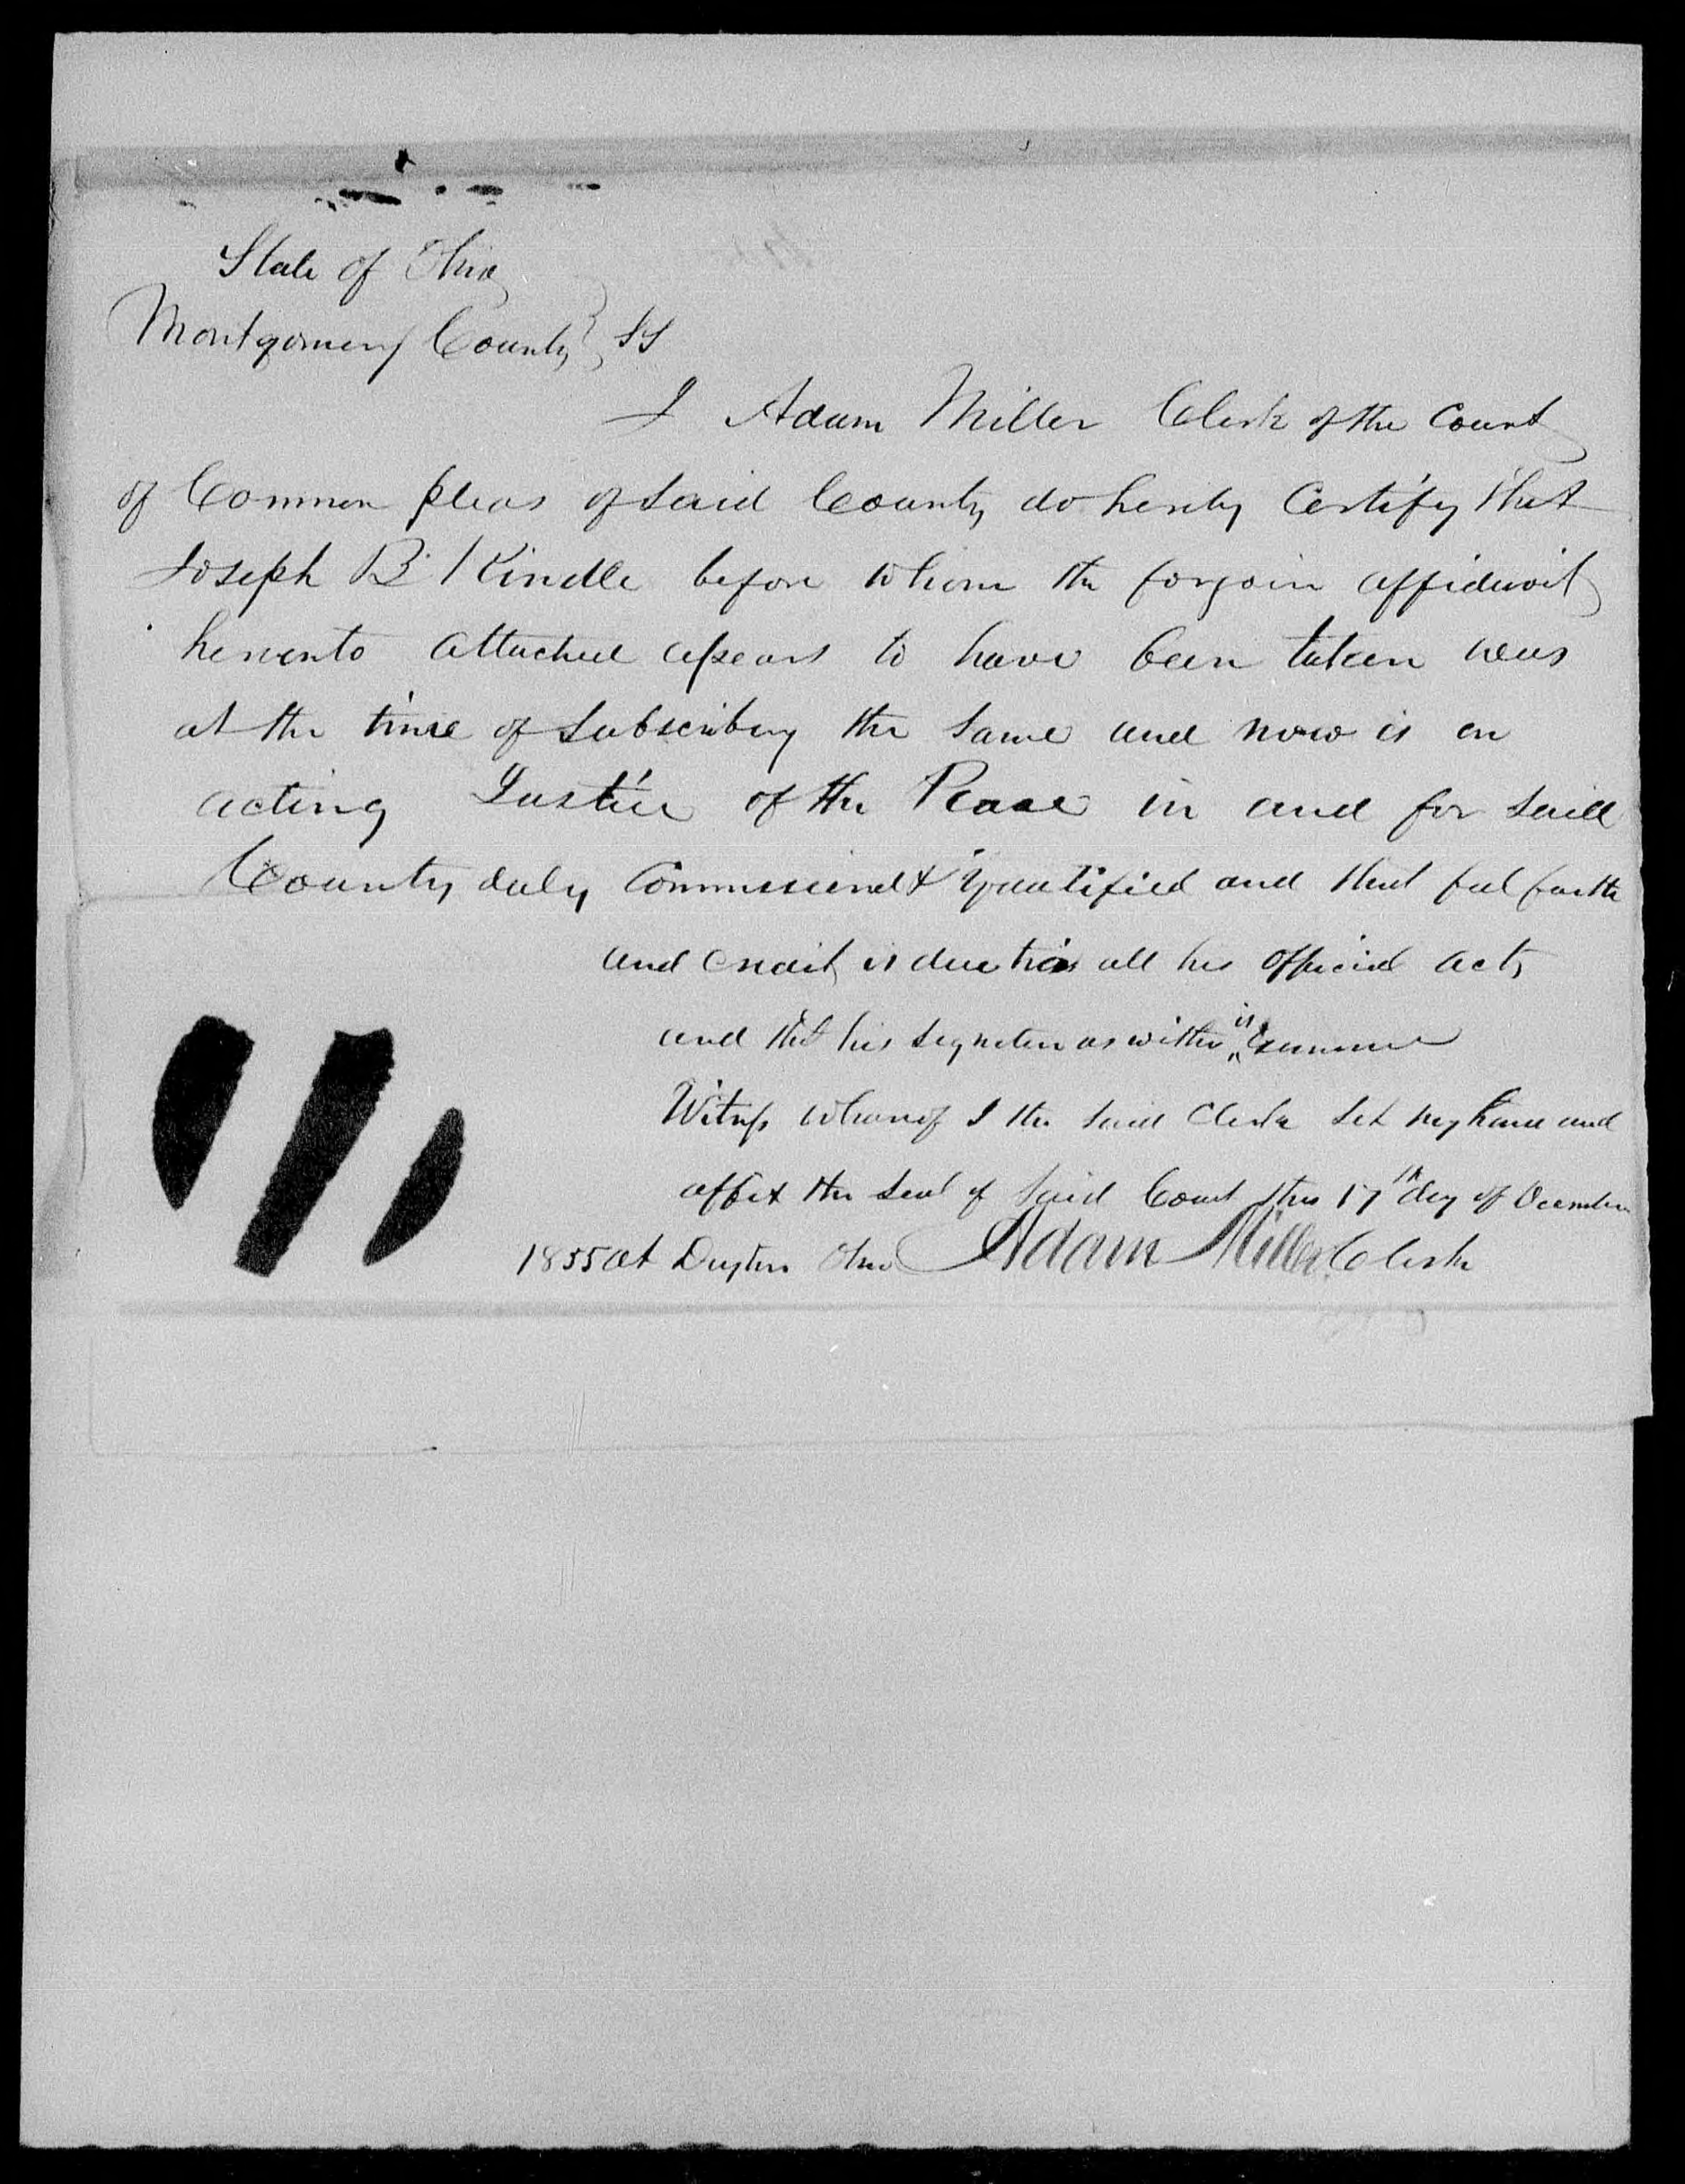State of Ohio
Montgomery County

I Adam Miller clerk of the court of Common Pleas of said county do hereby certify that Joseph B Kindle before whom the foregoing affidavit hereunto attached appears to have been taken was at the time of subscribing the same and now is an acting Justice of the Peace in and for said county duly commissioned & qualified and that full faith and credit is due to all his official acts and that his signature as written is genuine.

Witness whereof I the said Clerk set my hand and affix the seal of said court this 17th day of December 1855 at Dayton Ohio

Adam Miller - Clerk

SEAL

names: Joseph B Kindle, Adam Miller, Adam Miller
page: 30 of 37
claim: rejected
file: R. 2516, Moses Crosley, Md.